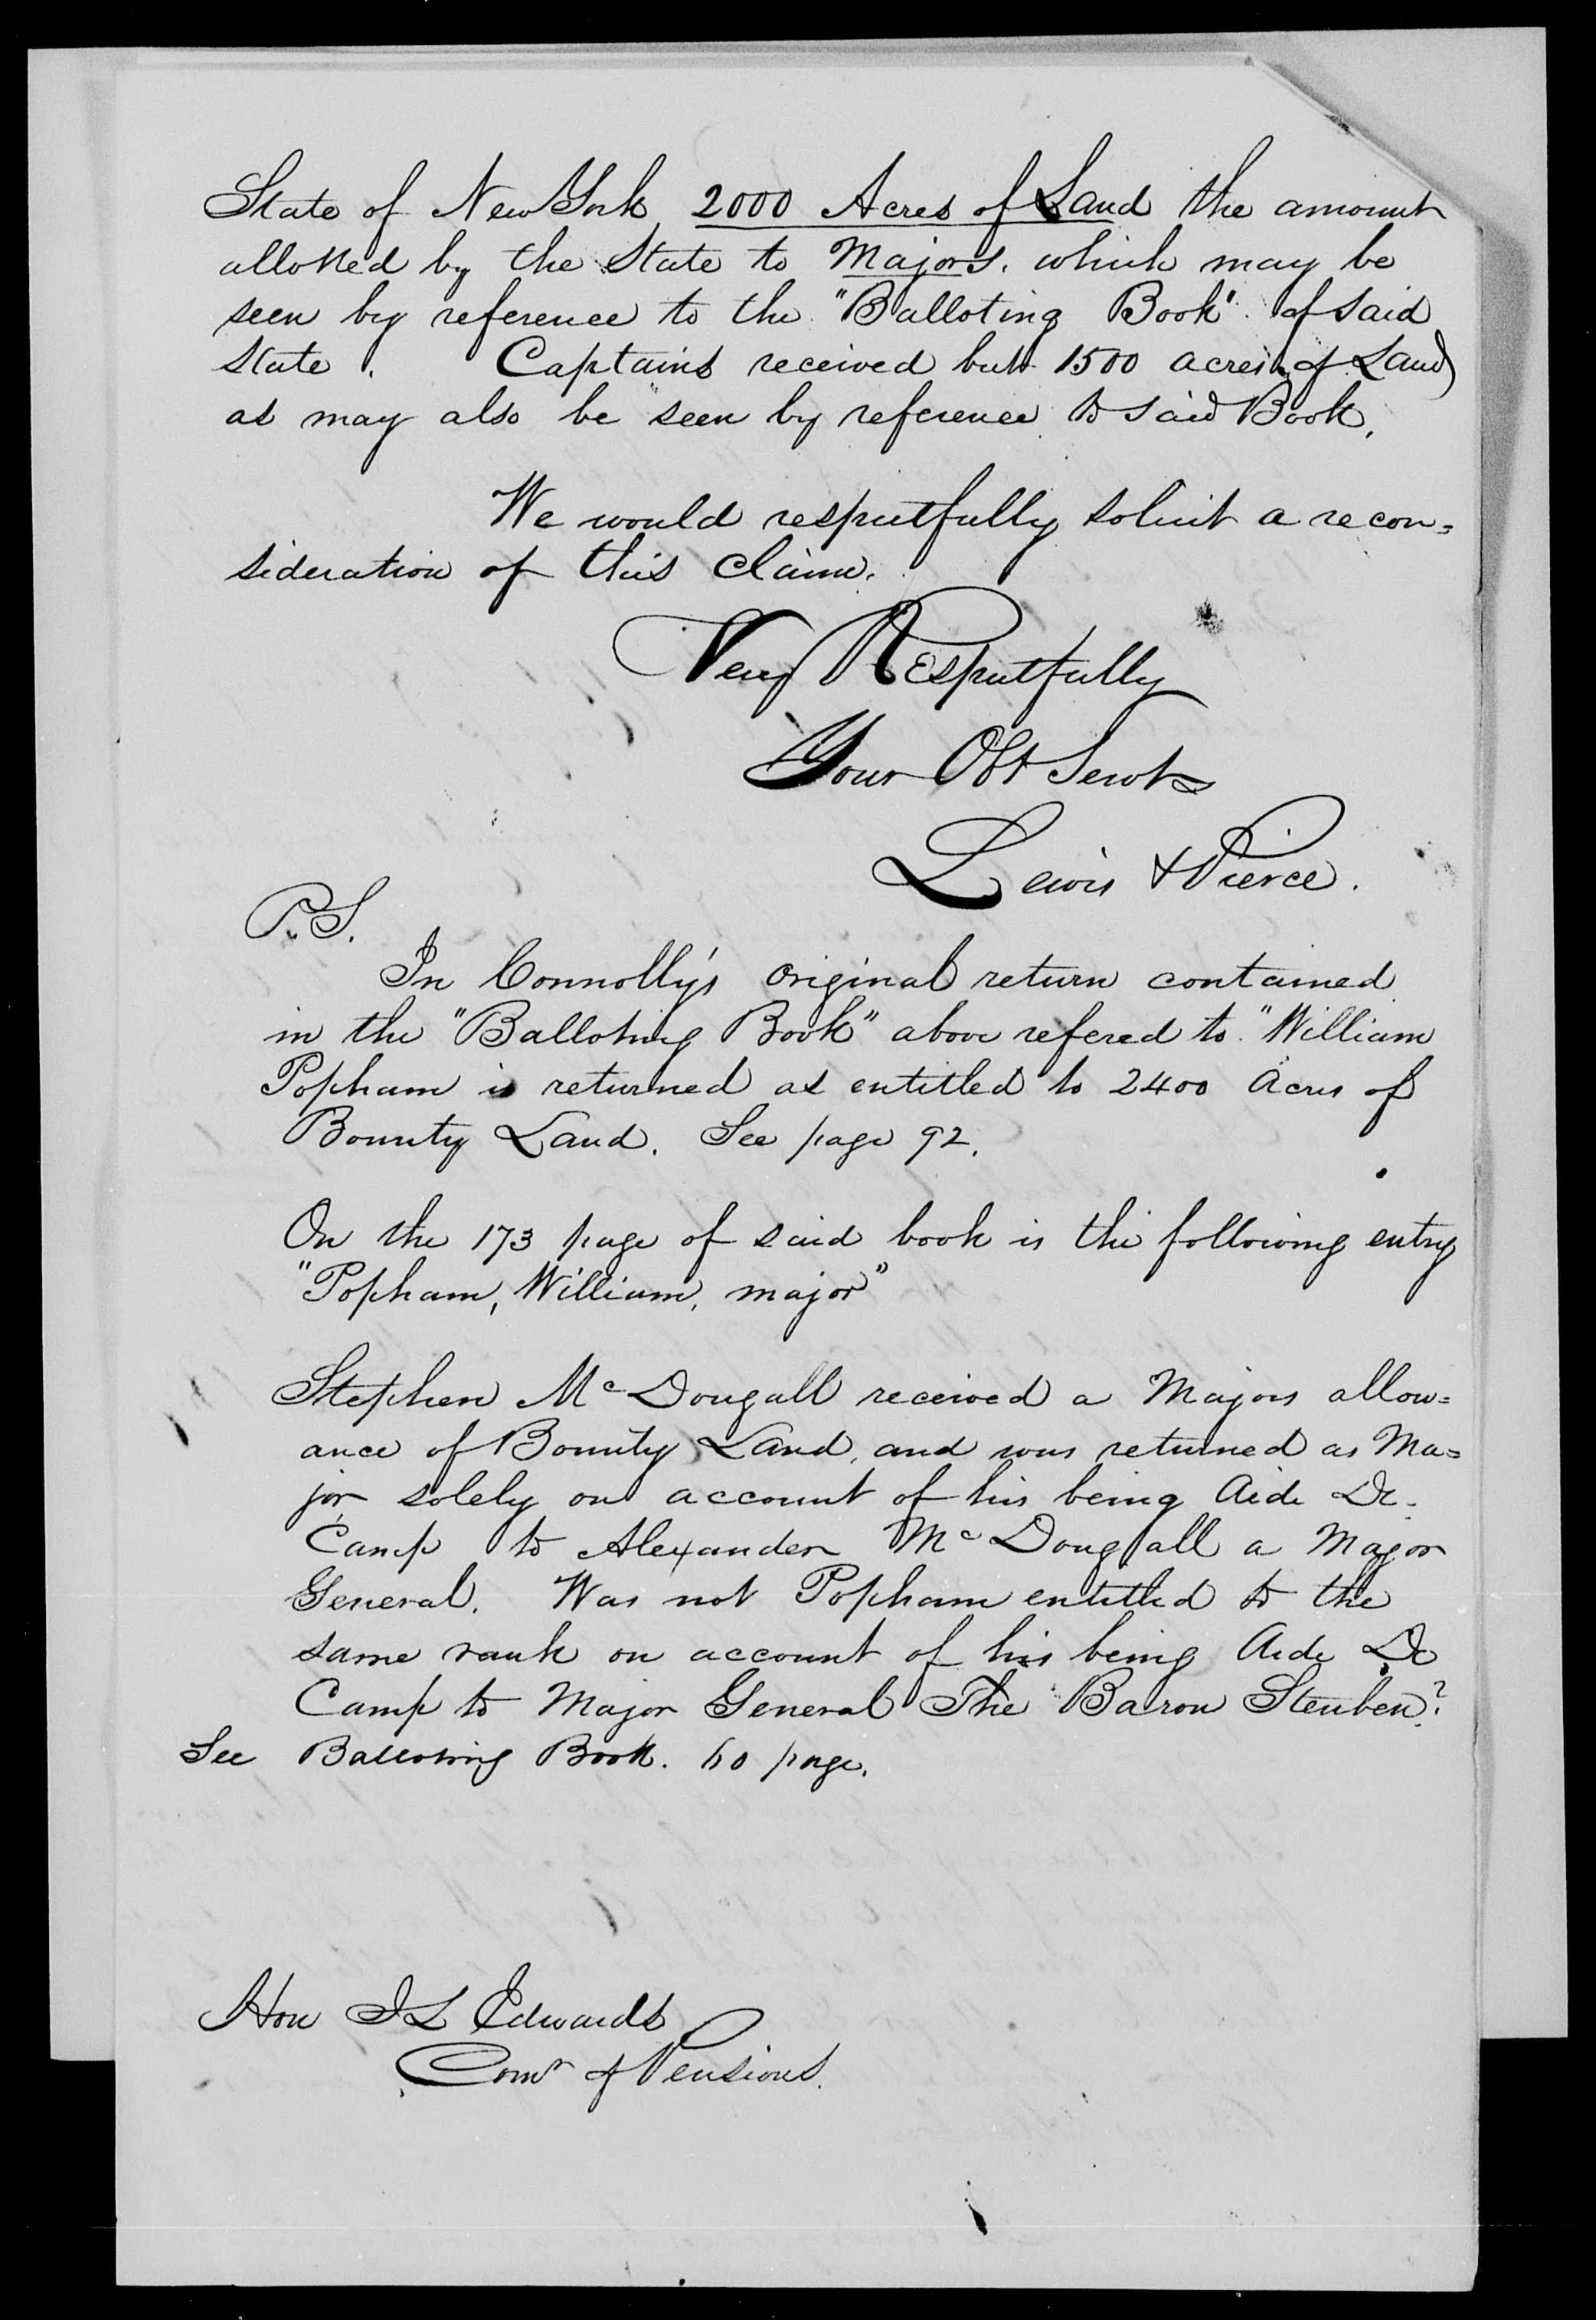State of New York, 2000 Acres of Land the amount allotted
by the State to Majors, which may be
seen by reference to the "Balloting Book" of said
State.
Captains received but 1500 acres of Land
as may also be seen by reference to said Book.
We would respectfully solicit a reconsideration
of this claim.
Very Respectfully
Your Obt Servt
Lewis & Pierce

P.S.
In Connolly's
original return contained
in the "Balloting Book" above refered to "William
Popham is returned as entitled to 2400 acres of
Bounty Land. See page 92
On the 173 page of said book is the following entry
"Popham, William, Major"

Stephen McDougall received a Majors allowance of Bounty Land, and was returned as Major
for solely on account of his being Aide De
Camp to Alexander McDougall a Major General. Was not Popham entitled to the same
rank on account of his being Aide
De
Camp to Major General The Baron Steuben?
See Balloting Book 60 page
Hon J L Edwards
Comr of Pensions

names: J L Edwards; William Popham; Baron Steuben; [BLANK] Pierce; [BLANK] Lewis; Stephen Mc Dougall; Alexander Mc Dougall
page: 61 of 75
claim: survivor's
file: S. 9989, for William Popham, Delaware